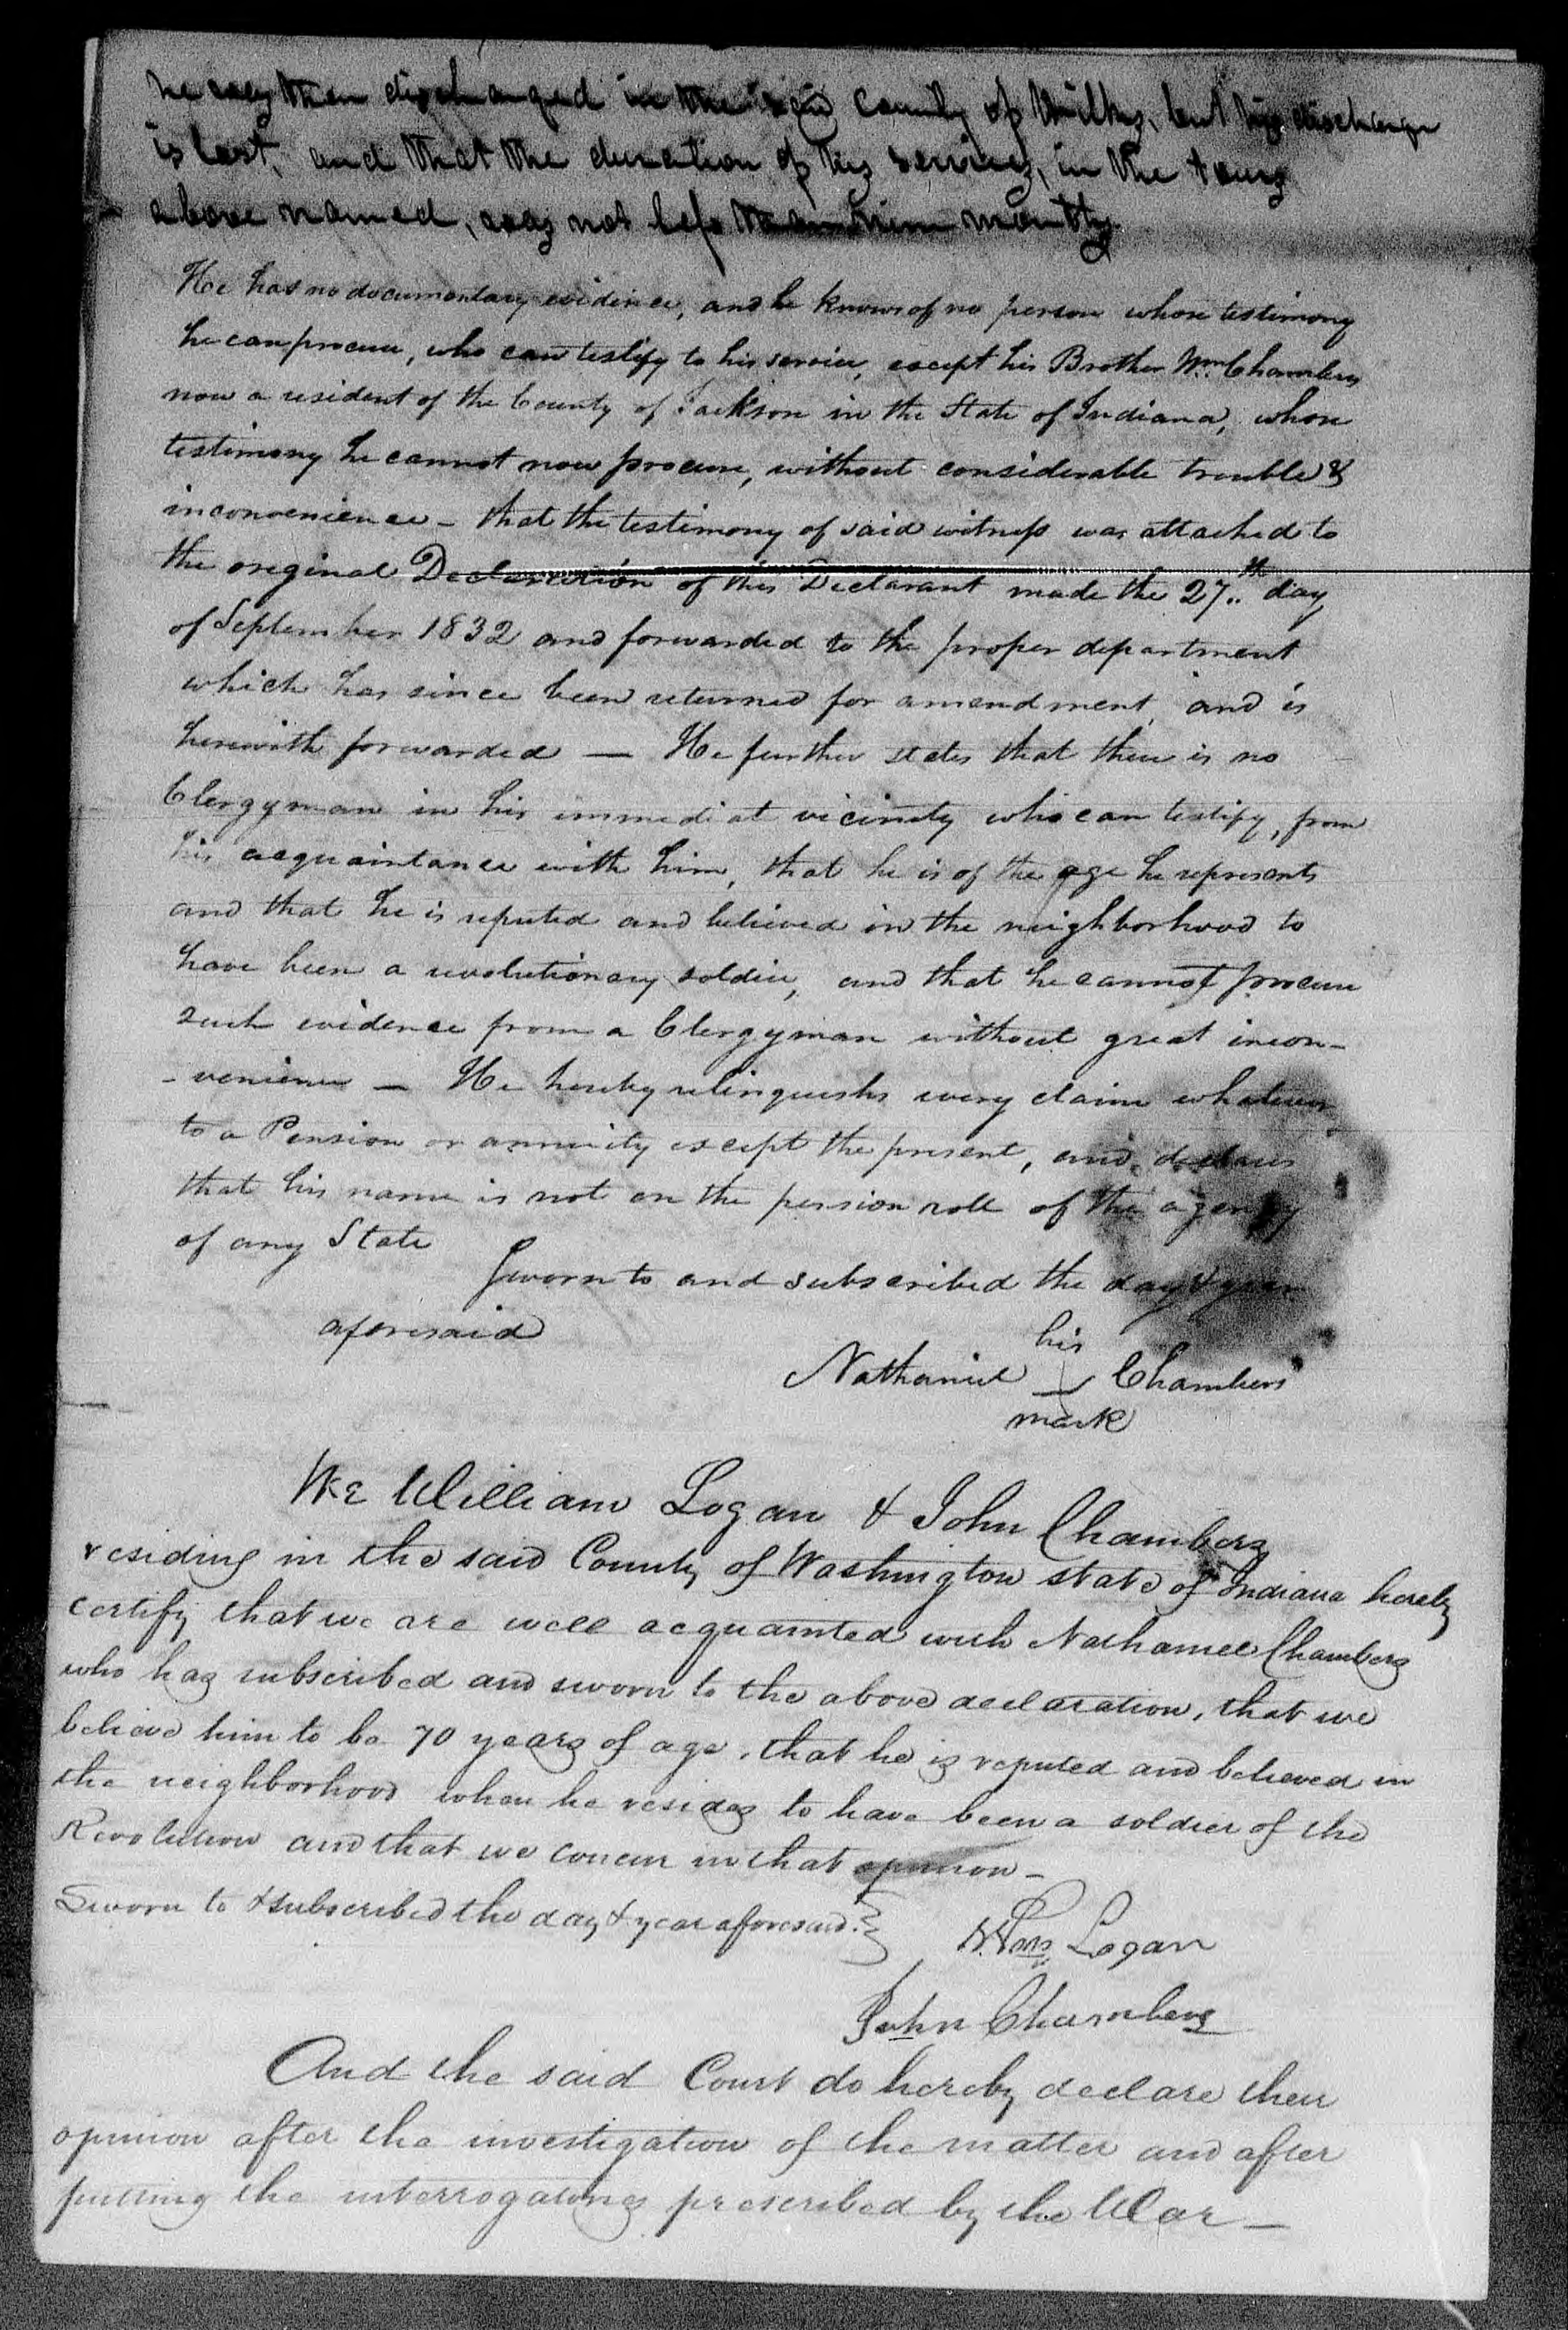he then discharged to the County of Wilkes but was discharged [illegible] 
and that the duration of his service in the tour
above named, was not [illegible] monthly
    He has no documentary evidence, and he knows of no person whose testimony he can procure, who can testify to his service, except his Brother Wm Chambers
now a resident of the County of Jackson in the State of Indiana, whose testimony he cannot now procure, without considerable trouble &
inconvenience-- that the testimony of said witness was attached to the original Declaration of this Declarant made the 27th day of September 1832 and forwarded to the proper department which has since been returned for amendment and is herewith forwarded - He further states that there is no Clergyman in his immediate vicinity who can testify, from his acquaintance with him that he is of the age he represents and that he is reputed and believed in the neighborhood to have been a revolutionary soldier, and that he cannot procure such evidence from a Clergyman without great inconvenience
-- He hereby relinquish every claim whatever
to a pension or annuity except the present, and declares that his name is not on the pension roll of the agency of any State.

Sworn to and subscribed the day and year aforesaid.

Nathaniel Chambers (X his mark)

We,  William Logan & John Chambers residing 
in the said County of Washington, State of Indiana hereby certify that we are well acquainted with Nathaniel Chambers who has subscribed and sworn to the above declaration, that we believe him to be 70 years of age, that he is reputed and believed in
the neighborhood when he resides to have been a soldier of the Revolution and that we concur in that opinion -
Sworn to & subscribed the day & year aforesaid.
Hon. Wm Logan
John Chambers

And the said Court do hereby declare their
opinion after the investigation of the matter and after
putting the interrogations prescribed by the war.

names: Wm Chambers, John Chambers, Nathaniel Chambers, William Logan, John Chambers, Wm Logan, Nathaniel Chambers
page: 12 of 13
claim: survivor's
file: S. 32,171, Nathaniel Chambers, N.C.